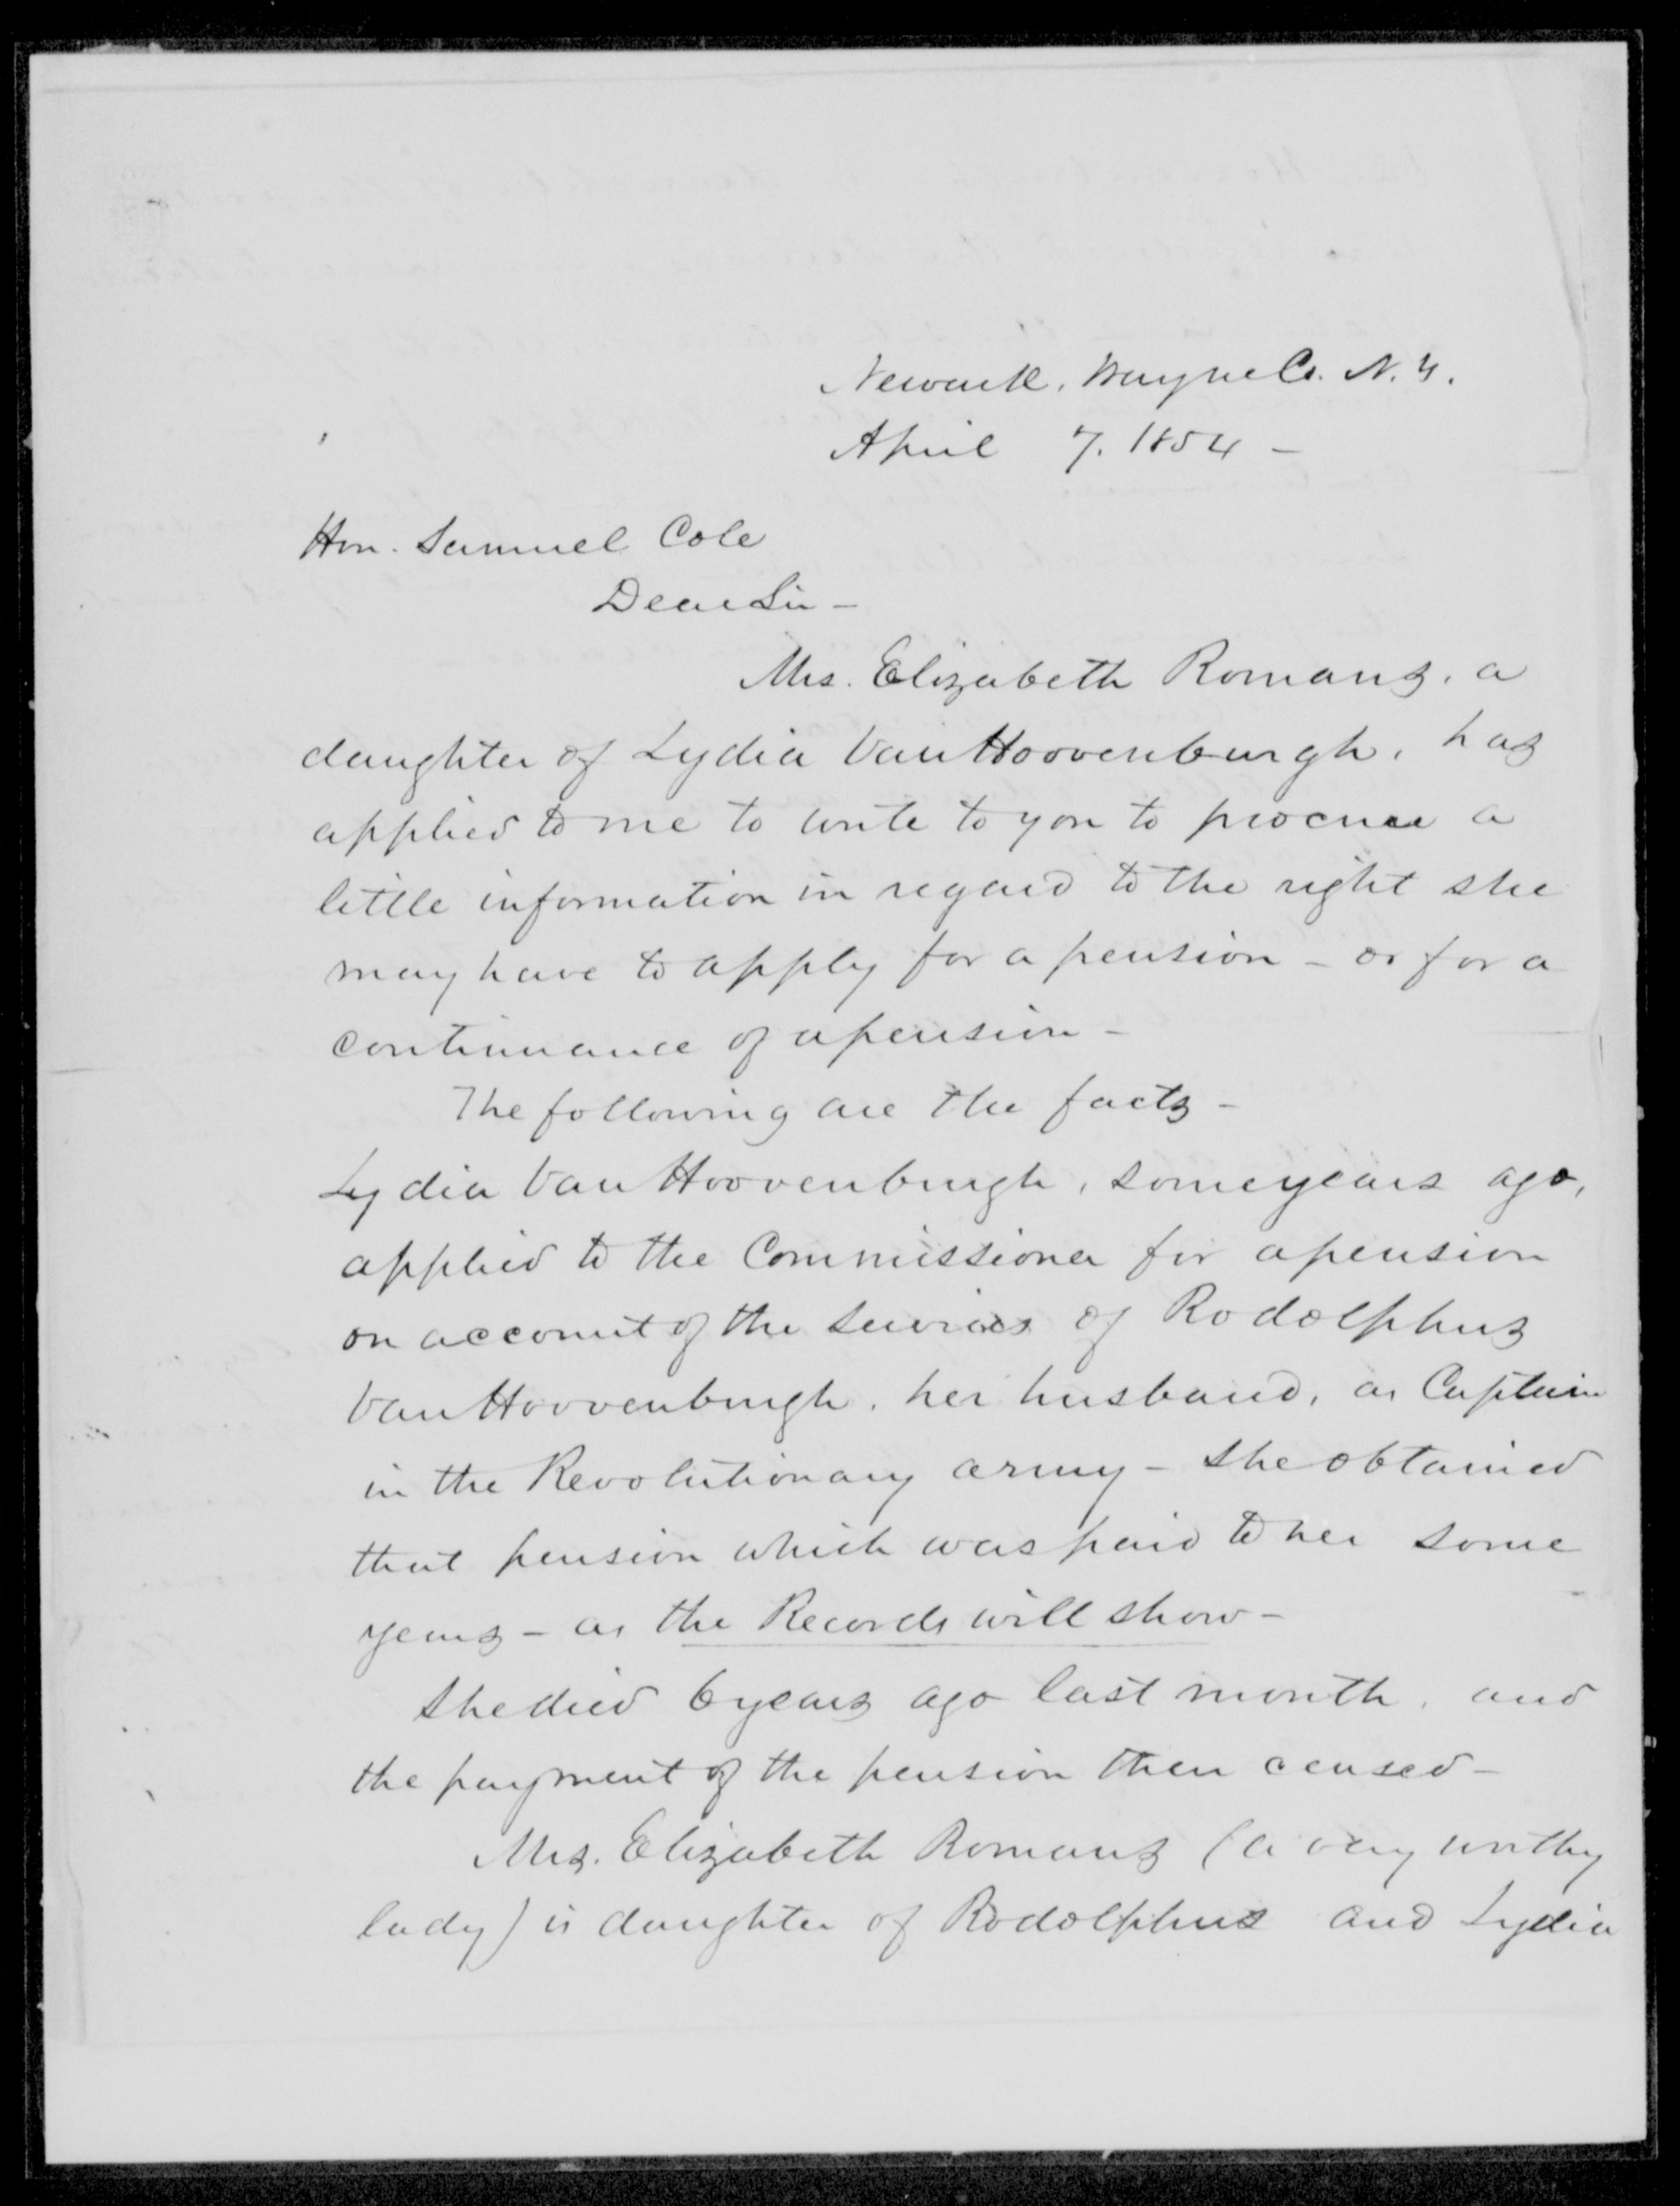Newark, Wayne Co. N.Y.
April 7, 1854 -
Hon. Samuel Cole
Dear Sir-
Mrs. Elizabeth Romans, a daughter of Lydia Van Houvenburgh, has applied to me to write to you to procure a little information in regard to the right she may have to apply for a pension - or for a continuance of pension-
The following are the facts-
Lydia Van Houvenburgh, some years ago, applied to the Commissioner for a pension on account of the services of Rudolphus Van Houvenburgh her husband, as Captain in the Revolutionary army - She obtained that pension which was paid to her some years - as the Records will show -
She died 6 years ago last month, and the payment of the pension then ceased-
Mrs. Elizabeth Romans (a very unthy (sic)
lady) is daughter of Rudolphus and Lydia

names: Lydia, Lydia Van Hoovenburgh, Lydia Van Hoovenburgh, Samuel Cole, Rodolphus, Elizabeth Romans, Elizabeth Romans, Rodolphus Van Hoovenburgh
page: 13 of 38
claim: widow's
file: W. 23324, Rudolphus Van Hoevenbergh, New York